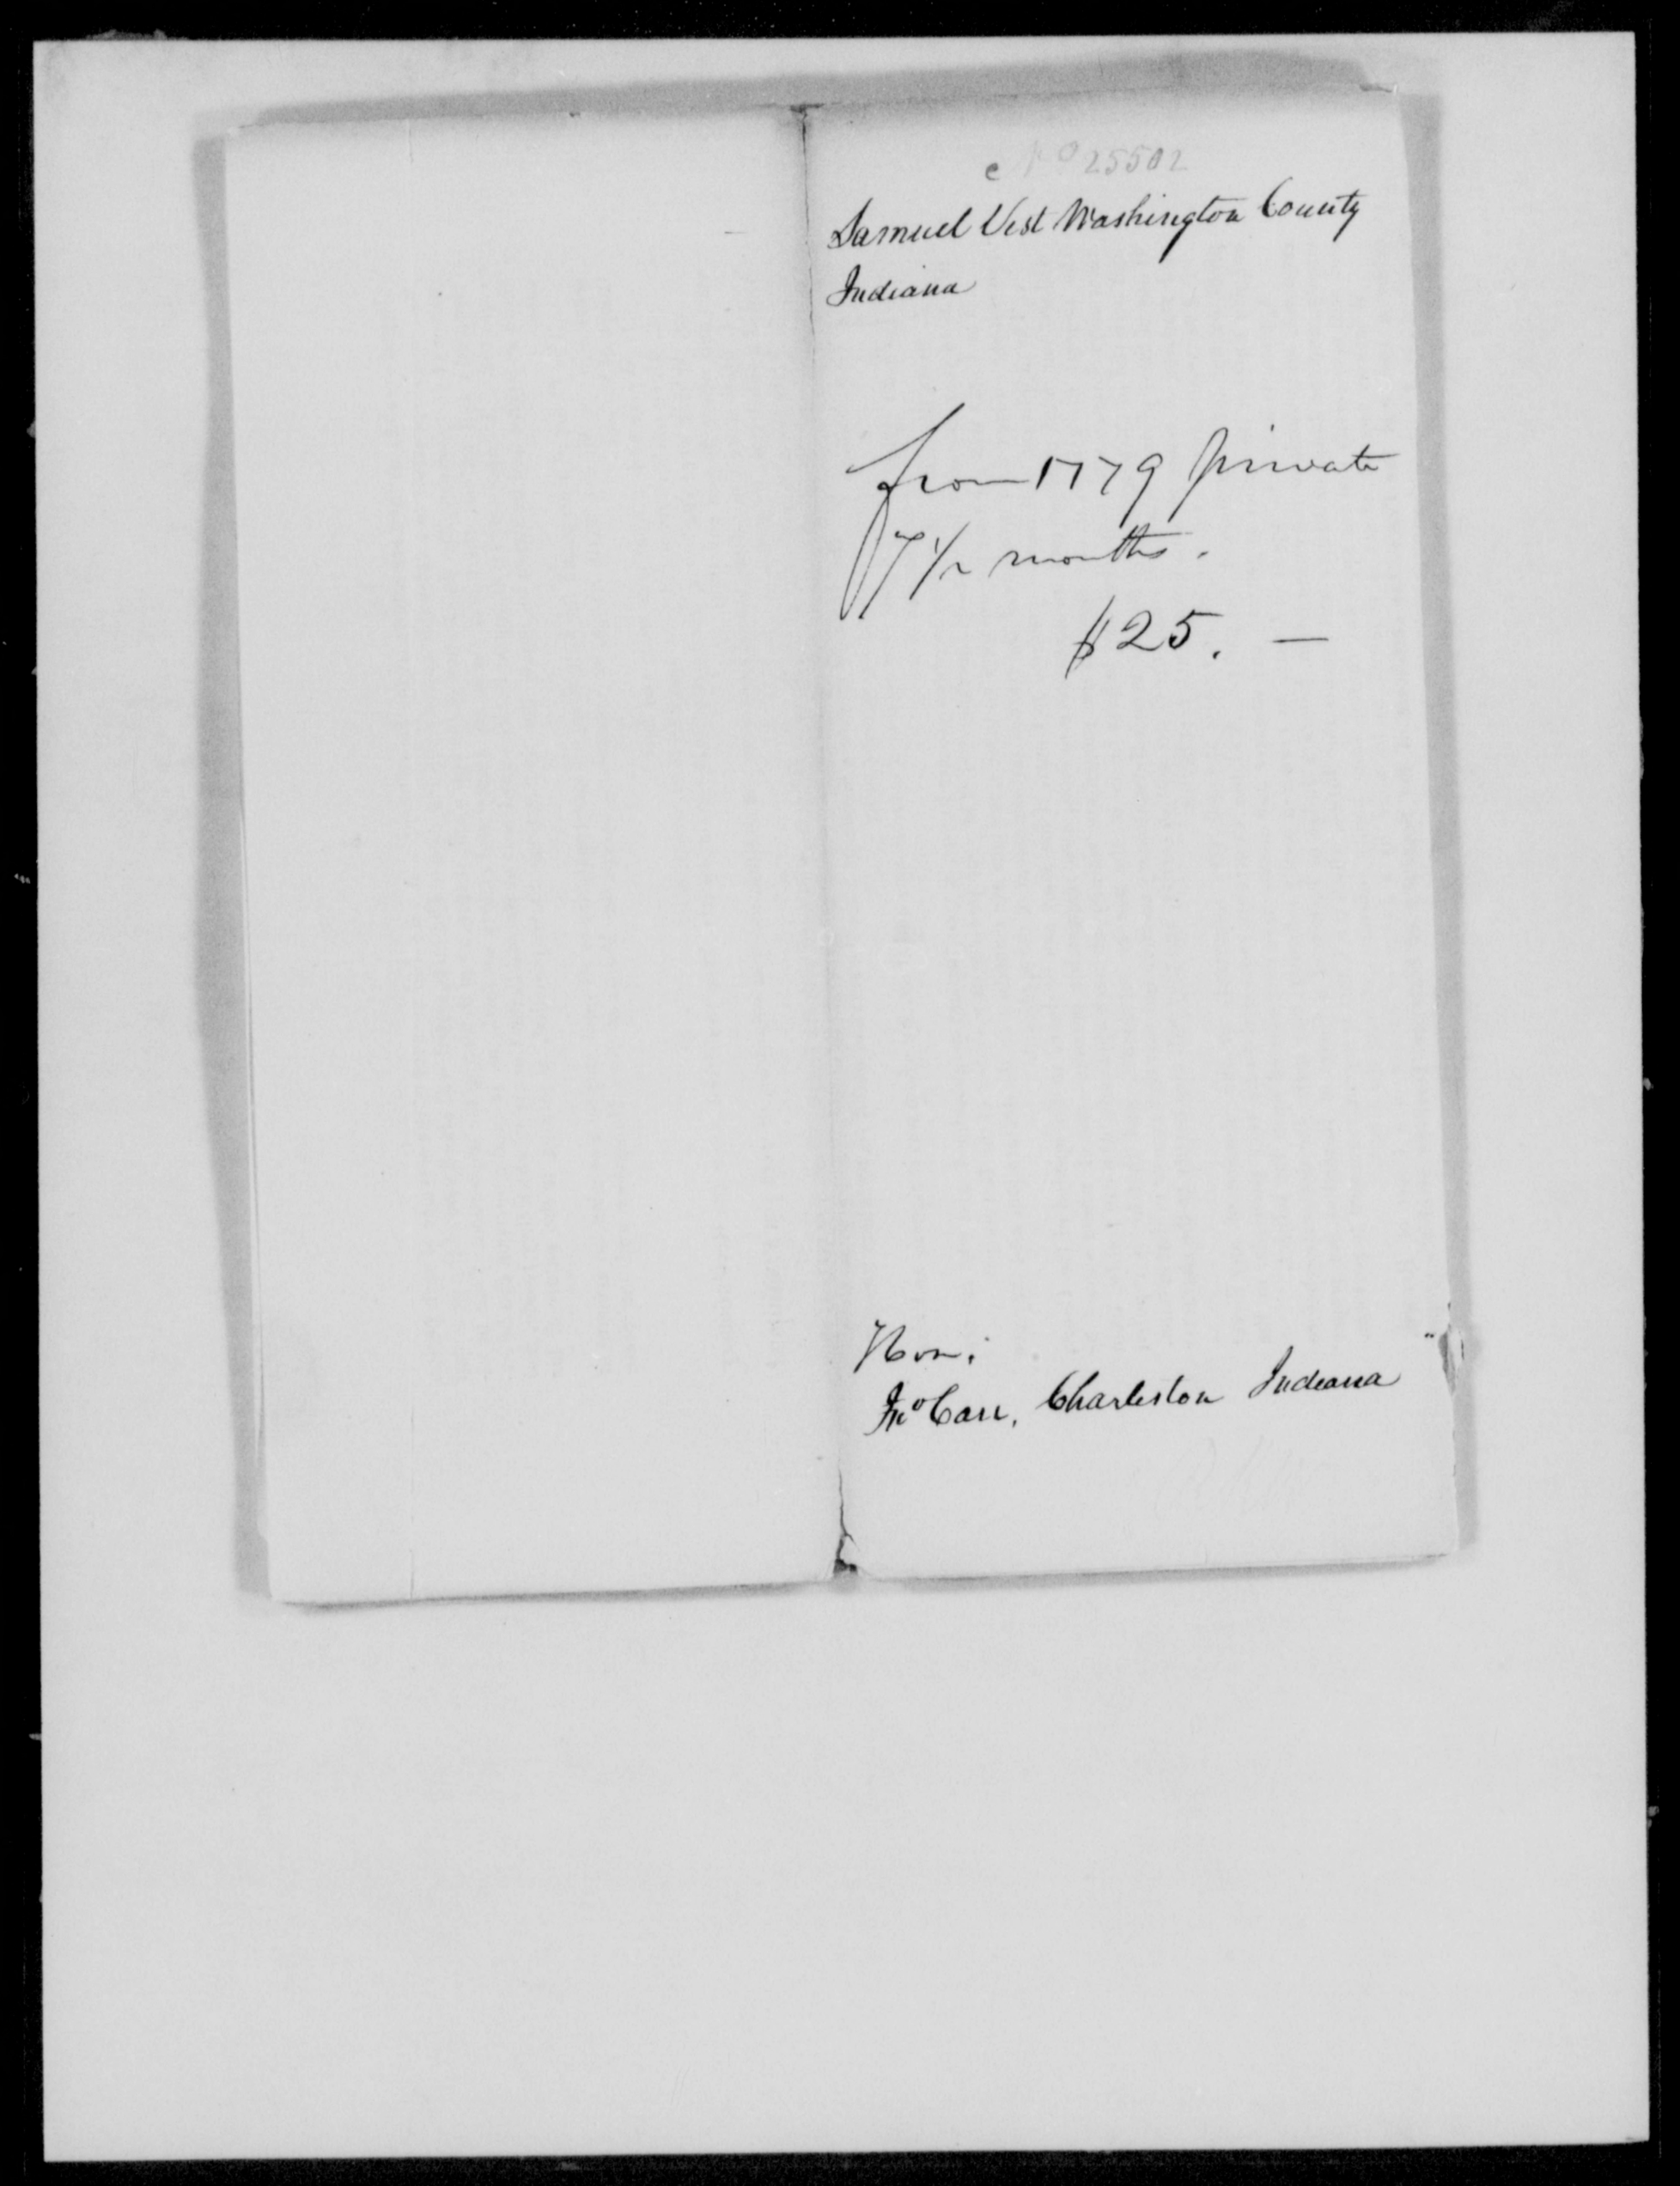No 25502
Samuel Vest Washington County Indiana

from 1779 private
7 1/2 months
$25.-

Hon:
Jno Carr, Charleston Indiana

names: Samuel Vest, Jno Carr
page: 8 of 15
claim: survivor's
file: S. 16,563, Samuel Vest, Va.